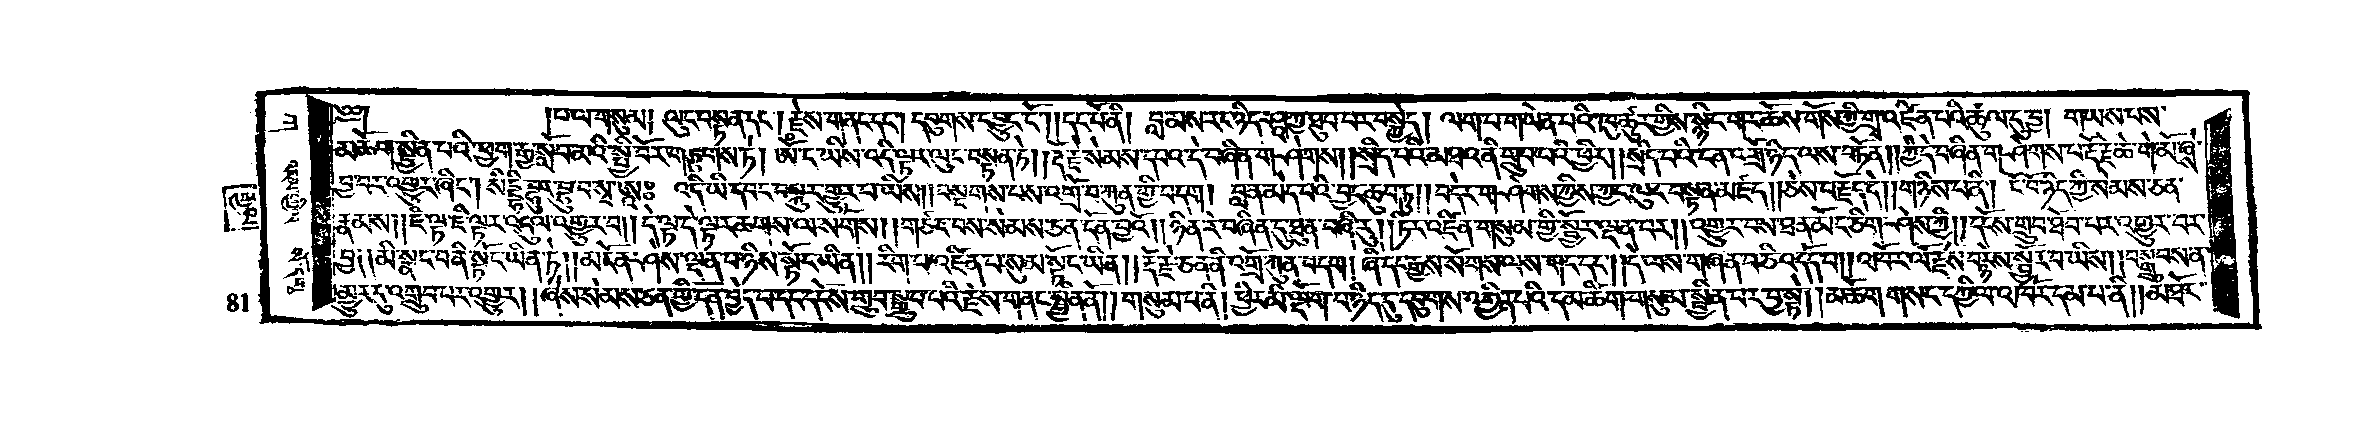༄༅། །པ་ལ་གསུམ། ལུང་བསྟན་དང་། རྗེས་གནང་དང་། དབུགས་དབྱུང་ངོ། །དང་པོ་ནི། བླ་མས་རང་ཉིད་ཤཱཀྱ་ཐུབ་པར་བསྐྱེད། ལག་པ་གཡེན་པའི་ཁུ་ཚུར་གྱིས་སྙིང་གར་ཆོས་གོས་ཀྱི་གྲྭ་འཛིན་པའི་ཚུལ་དུ་བྱ། གཡས་པས་
མཆོག་སྦྱིན་པའི་ཕྱག་རྒྱ་སློབ་མའི་སྤྱི་བོར་གཏུགས་ཏེ། ཨོཾ་ང་ཡིས་འདི་ལྟར་ལུང་བསྟན་ཏེ། །རྡོ་རྗེ་སེམས་དཔའ་དེ་བཞིན་གཤེགས། །སྲིད་པའི་མཐའ་ནི་གྲུབ་པའི་ཕྱིར། །སྲིད་པའི་ངན་འགྲོ་ཉིད་ལས་བཏོན། །ཀྱཻ?་དེ་བཞིན་གཤེགས་པ་རྡོ་རྗེ་ཆེ་གེ་མོ་ཞེས་
བྱ་བར་འགྱུར་ཞིང་། སིངདྷི་བྷུར་བྷུ་བ་སྭཱ་ཨཱཿ འདི་ཡི་དབང་བསྐུར་གྱུར་པ་ཡིས། །བསྔགས་པས་འགྲོ་བ་ཀུན་གྱི་བདག །བླ་ན་མེད་པའི་བྱང་ཆུབ་ཏུ། །བདེར་གཤེགས་ཀྱིས་ཀྱང་ལུང་བསྟན་མཛད། །ཅེས་བརྗོད་དེ། །གཉིས་པ་ནི། ངོ་བོ་ཉིད་ཀྱི་སེམས་ཅན་
རྣམས། །ཇི་ལྟ་ཇི་ལྟར་འདུལ་འགྱུར་བ། །དེ་ལྟ་དེ་ལྟར་ཆགས་ལ་སོགས། །གཙང་བས་སེམས་ཅན་དོན་བྱའོ། །ཉིན་རེ་བཞིན་དུ་ཐུན་བཞི་རུ། །ཏིང་འཛིན་གསུམ་གྱི་སྦྱོར་ལྡན་པར། །འགྱུར་བས་ཐན་མོང་ཅིག་ཤེས་ཀྱི། །དངོས་གྲུབ་ཐོབ་པར་འགྱུར་བར་
བྱ༑ ༑མི་སྣང་བ་ནི་སྟོང་ཡིན་ཏེ། །མངོན་ཤེས་ལྡན་པ་ཉིས་སྟོང་ཡིན། །རིག་པ་འཛིན་པ་སུམ་སྟོང་ཡིན། །རྡོ་རྗེ་ཅན་ནི་འགྲོ་ཀུན་བདག །ཞི་དང་རྒྱས་སོགས་ལས་གང་དང་། །དེ་ལས་གཞན་བཅི་འདོད་པ། །འཁོར་ལོ་རྗེས་བརྙེས་སྦྱོར་བ་ཡིས། །བསྒྲུབས་ན་
མྱུར་དུ་འགྲུབ་པར་འགྱུར། །ཞེས་སེམས་ཅན་གྱི་དོན་བྱེད་པ་དང་དངོས་གྲུབ་སྒྲུབ་པའི་རྗེས་གནང་སྦྱིན་ནོ། །གསུམ་པ་ནི། ཕྱིར་མི་ལྡོག་པ་ཉིད་དུ་དབུགས་འགྱིན་པའི་དམ་ཚིག་གསུམ་སྦྱིན་པར་བྱ་སྟེ། །མཆོག་གསང་དཀྱིལ་འཁོར་དམ་པ་ནི། །མཐོང་